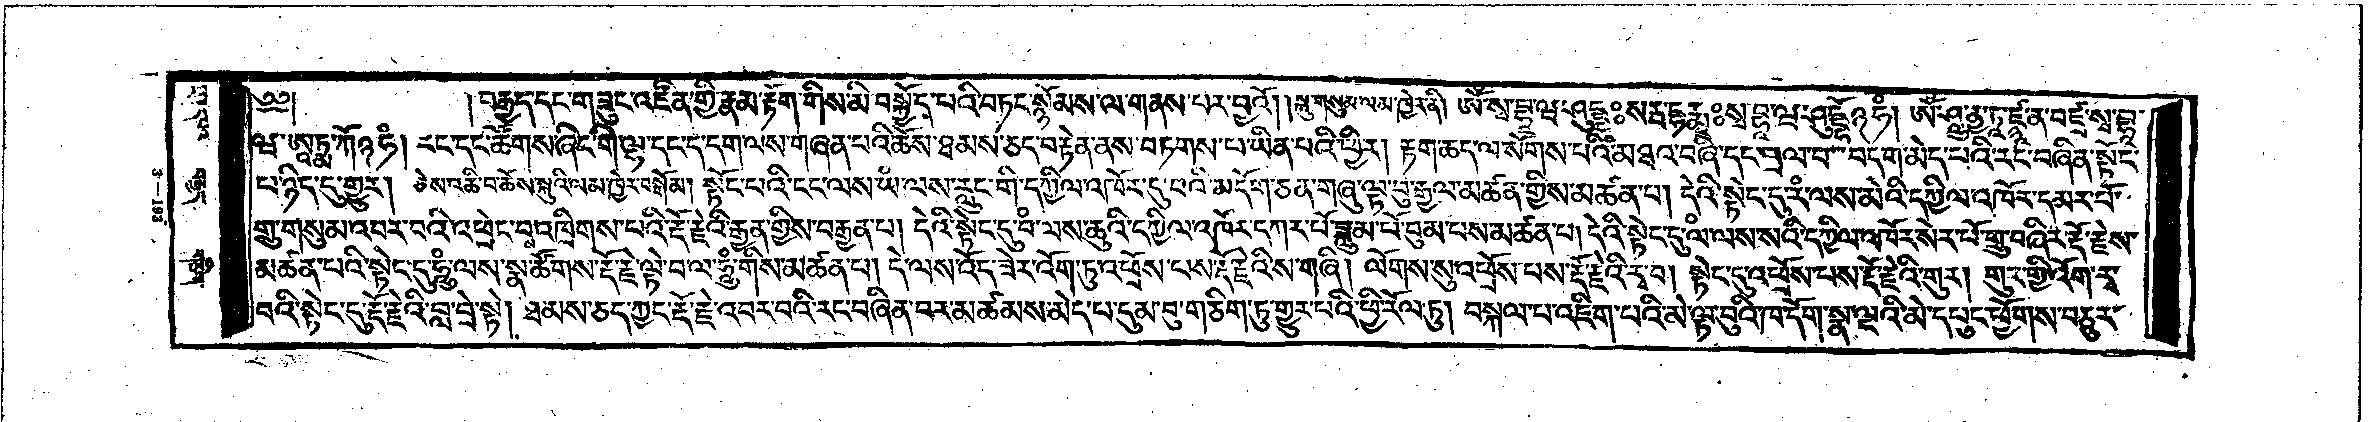༄༅། །བརྒྱད་དང་གཟུང་འཛིན་གྱི་རྣམ་རྟོག་གིས་མི་བསྐྱོད་པའི་བཏང་སྙོམས་ལ་གནས་པར་བྱའོ། །སྐུ་གསུམ་ལམ་ཁྱེར་ནི། ཨོཾ་སྭ་བྷཱ་ཝ་ཤུདྡྷཿསརྦ་དྷརྨ་སྭ་བྷཱ་ཝ་ཤུདྡྷོཉཧཾ། ཨོཾ་ཤཱུ་ནྱ་ཏཱ་ཛྙཱ་ན་བཛྲ་སྭ་བྷཱ་
ཝ་ཨཱཏྨ་ཀོཉཧཾ། རང་དང་ཚོགས་ཞིང་གི་ལྷ་དང་དེ་དག་ལས་གཞན་པའི་ཆོས་ཐམས་ཅད་བརྟེན་ནས་བཏགས་པ་ཡིན་པའི་ཕྱིར། རྟག་ཆད་ལ་སོགས་པའི་མཐའ་བཞི་དང་བྲལ་བ་བདག་མེད་པའི་རང་བཞིན་སྟོང་
པ་ཉིད་དུ་གྱུར། ཅེས་འཆི་བ་ཆོས་སྐུའི་ལམ་ཁྱེར་བསྒོམ། སྟོང་པའི་ངང་ལས་ཡཾ་ལས་རླུང་གི་དཀྱིལ་འཁོར་དུ་བའི་མདོག་ཅན་གཞུ་ལྟ་བུ་རྒྱལ་མཚན་གྱིས་མཚན་པ། དེའི་སྟེང་དུ་རཾ་ལས་མེའི་དཀྱིལ་འཁོར་དམར་པོ་
གྲུ་གསུམ་འབར་བའི་འཕྲེང་བས་འཁྲིགས་པའི་རྡོ་རྗེའི་རྒྱན་གྱིས་བརྒྱན་པ། དེའི་སྟེང་དུ་པཾ་ལས་ཆུའི་དཀྱིལ་འཁོར་དཀར་པོ་ཟླུམ་པོ་བུམ་པས་མཚན་པ། དེའི་སྟེང་དུ་ལཾ་ལས་སའི་དཀྱིལ་འཁོར་སེར་པོ་གྲུབ་ཞིར་རྡོ་རྗེས་
མཚན་པའི་སྟེང་དུ་ཧཱུཾ་ལས་སྣ་ཚོགས་རྡོ་རྗེ་ལྟེ་བ་ལ་ཧཱུཾ་གིས་མཚན་པ། དེ་ལས་འོད་ཟེར་འོག་ཏུ་འཕྲོས་པས་རྡོ་རྗེའི་ས་གཞི། ལོགས་སུ་འཕྲོས་པས་རྡོ་རྗེའི་རྭ་བ། སྟེང་དུ་འཕྲོས་པས་རྡོ་རྗེའི་གྲུ། གུར་གྱི་འོག་རྭ་
བའི་སྟེང་དུ་རྡོ་རྗེའི་བླ་བྲེ་སྟེ། ཐམས་ཅད་ཀྱང་རྡོ་རྗེ་འབར་བའི་རང་བཞིན་བར་མཚམས་མེད་པ་དུམ་བུ་གཅིག་ཏུ་གྱུར་པའི་ཕྱི་རོལ་ཏུ། བསྐལ་བ་འཇིག་པའི་མེ་ལྟ་བུའི་ཁ་དོག་སྣ་ལྔའི་མེ་དཔུང་ཕྱོགས་བཅུར་